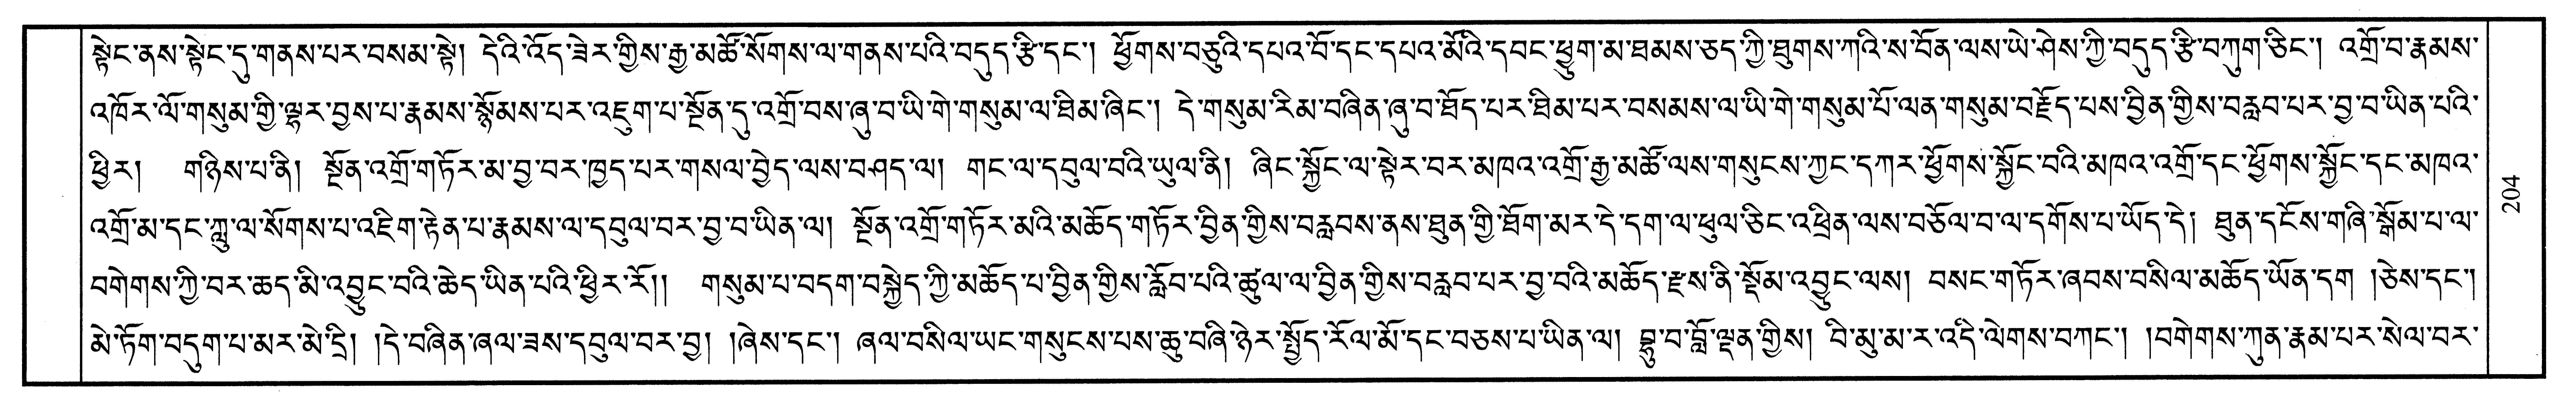སྟེང་ནས་སྟེང་དུ་གནས་པར་བསམ་སྟེ། དེའི་འོད་ཟེར་གྱིས་རྒྱ་མཚོ་སོགས་ལ་གནས་པའི་བདུད་རྩི་དང་། ཕྱོགས་བཅུའི་དཔའ་བོ་དང་དཔའ་མོའི་དབང་ཕྱུག་མ་ཐམས་ཅད་ཀྱི་ཐུགས་ཀའི་ས་བོན་ལས་ཡེ་ཤེས་ཀྱི་བདུད་རྩི་བཀུག་ཅིང་། འགྲོ་བ་རྣམས་
འཁོར་ལོ་གསུམ་གྱི་ལྷར་བྱས་པ་རྣམས་སྙོམས་པར་འཇུག་པ་སྔོན་དུ་འགྲོ་བས་ཞུ་བ་ཡི་གེ་གསུམ་ལ་ཐིམ་ཞིང་། དེ་གསུམ་རིམ་བཞིན་ཞུ་བ་ཐོད་པར་ཐིམ་པར་བསམས་ལ་ཡི་གེ་གསུམ་པོ་ལན་གསུམ་བརྗོད་པས་བྱིན་གྱིས་བརླབ་པར་བྱ་བ་ཡིན་པའི་
ཕྱིར། གཉིས་པ་ནི། སྔོན་འགྲོ་གཏོར་མ་བྱ་བར་ཁྱད་པར་གསལ་བྱེད་ལས་བཤད་ལ། གང་ལ་དབུལ་བའི་ཡུལ་ནི། ཞིང་སྐྱོང་ལ་སྟེར་བར་མཁའ་འགྲོ་རྒྱ་མཚོ་ལས་གསུངས་ཀྱང་དཀར་ཕྱོགས་སྐྱོང་བའི་མཁའ་འགྲོ་དང་ཕྱོགས་སྐྱོང་དང་མཁའ་
འགྲོ་མ་དང་ཀླུ་ལ་སོགས་པ་འཇིག་རྟེན་པ་རྣམས་ལ་དབུལ་བར་བྱ་བ་ཡིན་ལ། སྔོན་འགྲོ་གཏོར་མའི་མཆོད་གཏོར་བྱིན་གྱིས་བརླབས་ནས་ཐུན་གྱི་ཐོག་མར་དེ་དག་ལ་ཕུལ་ཅིང་འཕྲིན་ལས་བཅོལ་བ་ལ་དགོས་པ་ཡོད་དེ། ཐུན་དངོས་གཞི་སྒོམ་པ་ལ་
བགེགས་ཀྱི་བར་ཆད་མི་འབྱུང་བའི་ཆེད་ཡིན་པའི་ཕྱིར་རོ།། གསུམ་པ་བདག་བསྐྱེད་ཀྱི་མཆོད་པ་བྱིན་གྱིས་རློབ་པའི་ཚུལ་ལ་བྱིན་གྱིས་བརླབ་པར་བྱ་བའི་མཆོད་རྫས་ནི་སྡོམ་འབྱུང་ལས། བསང་གཏོར་ཞབས་བསིལ་མཆོད་ཡོན་དག །ཅེས་དང་།
མེ་ཏོག་བདུག་པ་མར་མེ་དྲི། །དེ་བཞིན་ཞལ་ཟས་དབུལ་བར་བྱ། །ཞེས་དང་། ཞལ་བསིལ་ཡང་གསུངས་པས་ཆུ་བཞི་ཉེར་སྤྱོད་རོལ་མོ་དང་བཅས་པ་ཡིན་ལ། བྷུ་བ་བློ་ལྡན་གྱིས། བི་མུ་མ་ར་འདི་ལེགས་བཀང་། །བགེགས་ཀུན་རྣམ་པར་སེལ་བར་